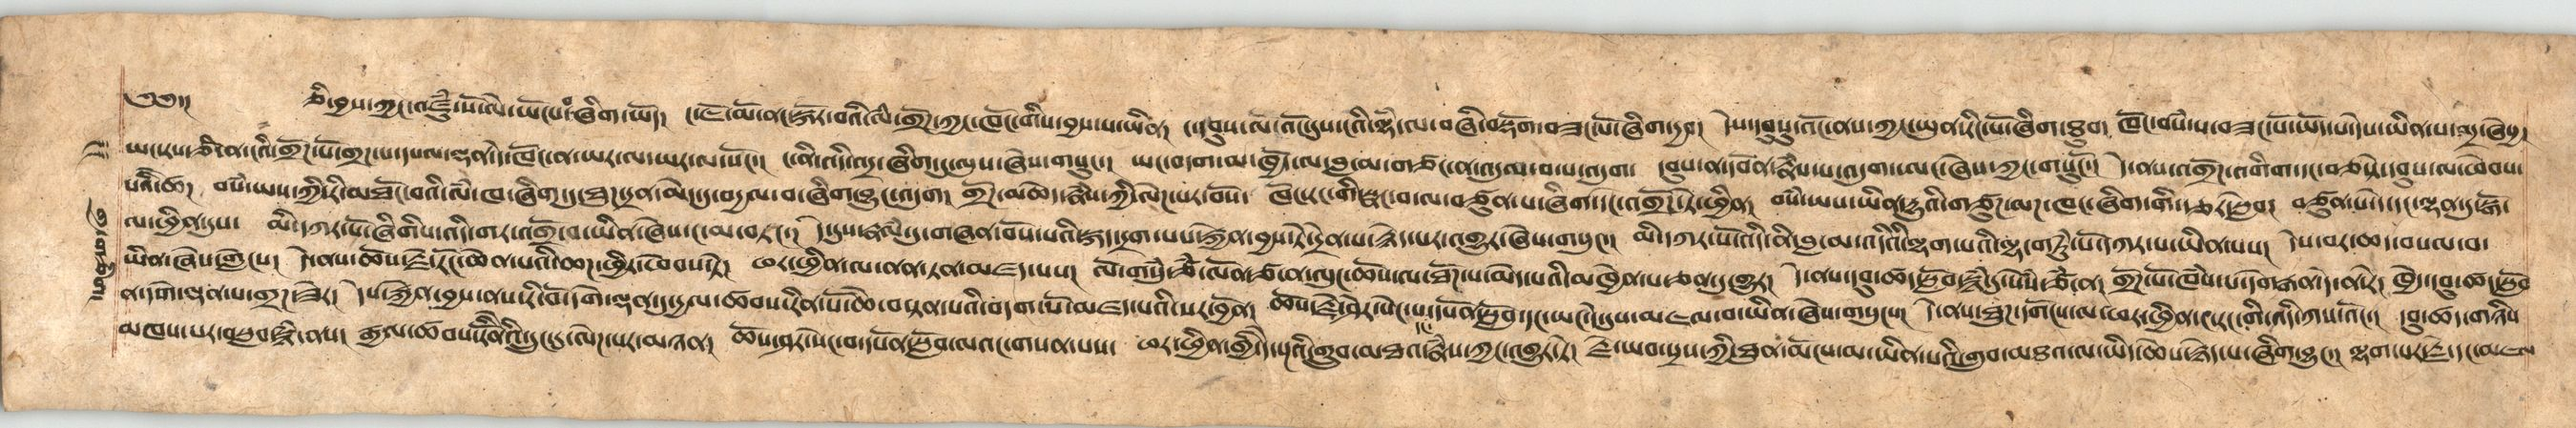ཅི་བྱས་ཀྱང་འཛུཾ་སོ་ལེ་ཡོངས་བ་ཞིག་ཡོད། ང་ཇོ་མོ་ནང་སྐོར་བའི་ལཾ་གྲོཌ་ཀྱང་ཁོང་གིས་བྱས་པ་ཡིན། ང་དབུས་ལ་འོང་དུས་ངའི་ལྷཾ་ལ་བཞི་བསྡོག་བཟང་པོ་ཞིག་དྱབ། དེས་དབུསུ་འོང་ནས་ཀྱང་ཡུན་རིན་པོ་ཞིག་ཐུབ་ ཁོང་བསཾ་པ་བཟང་པོ་ཡོད་པ་དེས་ཡིན་པ་འདྲ་ཞེསྱ།
ཡང་རས་ཙཾ་ན་ངའི་གྲོཌ་པོ་གྲཌ་པ་དཔལ་ལྡན་དེ་ཁོང་ན་ཡར་ལ་ཡར་ལ་སོང་། ང་ནི་འདི་འདྲ་ཞིག་དུ་ལུས་ཞེས་གསུང་། ཡང་བདག་མ་ཁྱོད་ལ་བླ་མ་གཙང་ན་འདུལ་བ་པ་འདུག་ དབུས་ན་དབོན་རྣཾས་པ་འདུག་ཨང་ཞེས་ཀྱང་གསུངོ་། དེ་ནས་འགྲོཌ་འགིག་དང་བཅསྟེ་དབུས་ལ་ཕེབས་
པའི་ཚེ། བསཾ་ཡས་ཀྱི་རི་མཐོང་བའི་ལཾ་ཁ་ཞིག་དུ་ཐུཌ་དྲན་མེད་དུ་བདྱལ་བ་ཞིག་བྱུང་འདུག། གྲོཌ་མཆེད་རྣཾས་ཀྱི་ལེཌ་པར་བོས་ ཁོང་རང་གི་སྣང་བ་ལ་བཙུན་པ་ཞིག་དང་འགྲོཌ་ཏེ་ཕྱིན། བསཾ་ཡས་ཡིན་དྱུའི་གཙུཌ་ལཌ་ཁང་ཞིག་གི་རྩར་སླེབ། བཙུན་པ་དེ་དང་ལྷན་དུ་སྒོ་
ལ་ཕྱིན་དུས་ མི་དཀར་པོ་ཞིགིས་འདི་གར་འགྲོ་བ་ཡིན་ཞེས་ང་མ་གཏང་། དེ་དུས་རྣལཾ་དུ་གཞན་བོས་པའི་སྐད་གྲག་པས་རྐྱེན་བྱས་ཏེ་དྲེན་པ་རྙེད་པར་གྱུར་ཞེས་གསུང་། མི་དཀར་པོ་འདི་ནི་བླ་མ་འདིའི་ལྷག་པའི་ལྷ་གཏུཾ་པོ་དཀར་པོ་ཡིན་པས། དེས་བར་ཆད་བསལ་བ་
ཡིན་ཞེས་གླེངས། དེ་ནས་ཆོས་རྗེ་རོང་ཆེན་པའི་ཆཌ་ཕྱིར་ཕེབས་སྟེ། ཕར་ཕྱིན་ལ་ནན་ཏན་མཛད་པས། ལོ་གསུཾ་ཙཾ་ལོན་ཙ་ན་ལུང་ཆོས་ལ་ཐོཌ་པ་མེད་པའི་མཁྱེན་པ་ཅན་དུ་གྱུར། དེ་ནས་དབུ་ཚད་སློབ་སྙཾ་དུ་སེཾས་ཙཾ་ན། གྲོཌ་པོ་ཁཾས་པ་དགེརྒན་དེ་ན་རེ། ཁྱེད་དབུ་ཚད་སློབ
ན་དགེ་ལྡན་པ་གྲཌ་ཟེར། དེས་རྐྱེན་བྱས་ནས་རི་བོ་དགེ་ལྡན་དུ་དྱལ་ཚབས་རིན་པོ་ཆེ་བསྟན་པའི་བདག་པོ་མཛད་པའི་པར་བྱོན། ཆོས་རྗེ་ཤེར་སེང་པ་དང་དཔོན་སློབ་དང་ཡང་དེ་དུས་མཇལ་བ་ཡིན་ཞེས་གསུངས། དེ་ནས་ཐུཌ་དགོངས་ལ་ཕར་ཕྱིན་ང་རང་གི་འདི་ཀས་འོང་། དབུ་ཚད་གཉིས་
མཁས་པར་བསླབ་སྙཾ་ནས། རྒྱལ་ཚབ་རིནོེའི་དྲུང་དུ་ལེཌ་པར་མཉན། ཆོས་ཤར་སོང་བ་དཔོན་སློབ་ལའང་གསན་པས། ཕར་ཕྱིན་གྱི་དེ་སྔའི་གྲུབ་མཐའ་རྣཾས་ཀྱང་འགྱུར་ཏེ། རྗེ་ཡབ་སྲས་ཀྱི་ཐུན་མོངས་མ་ཡིན་པའི་གྲུབ་མཐའ་ལ་ཡིད་ཆེས་རྙེད་པ་ཞིག་བྱུང་། ལྷག་པར་རྗེ་དང་མཇལ